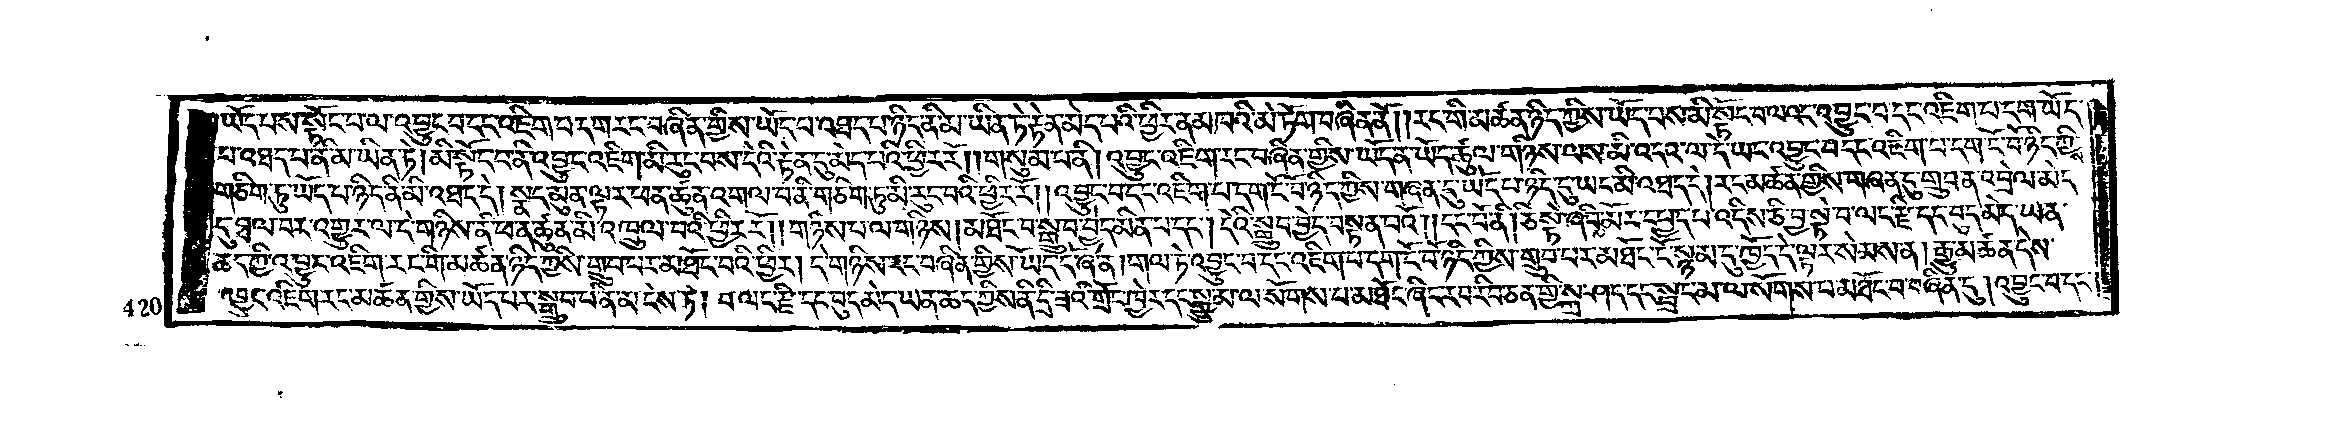ཡོད་པས་སྟོང་པ་ལ་འབྱུང་བ་དང་འཇིག་པ་དག་རང་བཞིན་གྱིས་ཡོད་པ་འཐད་པ་ཉིད་ནི་མ་ཡིན་ཏེ་རྟེན་མེད་པའི་ཕྱིར་ནམཁའི་མེ་ཏོག་བཞིན་ནོ། །རང་གི་མཚན་ཉིད་ཀྱིས་ཡོད་པས་མི་སྟོང་པ་ལའང་འབྱུང་བ་དང་འཇིག་པ་དག་ཡོད་
པ་འཐད་པ་ནི་མ་ཡིན་ཏེ། མེ་སྟོང་པ་ནི་འབྱུང་འཇིག་མི་རུང་བས་དེའི་རྟེན་དུ་མེད་པའི་ཕྱིར་རོ། །གསུམ་པ་ནི། འབྱུང་འཇིག་རང་བཞིན་གྱིས་ཡོད་ན་ཡོད་ཚུལ་གཉིས་ལས་མི་འདའ་ལ་དེ་ཡང་འབྱུང་བ་དང་འཇིག་པ་དག་ངོ་བོ་ཉིད་ཀྱིས་
གཅིག་ཏུ་ཡོད་པ་ཉིད་ནི་མི་འཐད་དེ། སྣང་མུན་ལྟར་ཕན་ཚུན་འགལ་བ་ནི་གཅིག་ཏུ་མི་རུང་བའི་ཕྱིར་རོ། །འབྱུང་བ་དང་འཇིག་པ་དག་ངོ་བོ་ཉིད་ཀྱིས་གཞན་དུ་ཡོད་པ་ཉིད་དུ་ཡང་མི་འཐད་དེ། རང་མཚན་གྱིས་གཞན་དུ་གྲུབ་ན་འབྲེལ་མེད་
དུ་ཐལ་བར་འགྱུར་ལ་དེ་གཉིས་ནི་ཕན་ཚུན་མི་འཁྲུལ་བའི་ཕྱིར་རོ། །གཉིས་པ་ལ་གཉིས། མཐོང་བ་སྒྲུབ་བྱེད་མིན་པ་དང་། དེའི་སྒྲུབ་བྱེད་བསྟན་པའོ། །དང་པོ་ནི། ཅི་སྟེ་ཞིབ་མོར་དཔྱད་པ་འདིས་ཅི་བྱ་སྟེ་བ་ལང་རྫི་དང་བུད་མེད་ཡན་
ཆད་ཀྱི་འབྱུང་འཇིག་རང་གི་མཚན་ཉིད་ཀྱིས་གྲུབ་པར་མཐོང་བའི་ཕྱིར། དེ་གཉིས་རང་བཞིན་གྱིས་ཡོད་དོ་ཞེ་ན། གལ་ཏེ་འབྱུང་བ་དང་འཇིག་པ་དག་ངོ་བོ་ཉིད་ཀྱིས་གྲུབ་པར་མཐོང་ངོ་སྙམ་དུ་ཁྱོད་དེ་ལྟར་སེམས་ན། རྒྱུ་མཚན་དེས་
འབྱུང་འཇིག་རང་མཚན་གྱིས་ཡོད་པར་སྒྲུབ་པ་ནི་མ་ངེས་ཏེ། བ་ལང་རྫི་དང་བུད་མེད་ཡན་ཆད་ཀྱིས་ནི་དྲི་ཟའི་གྲོང་ཁྱེར་དང་སྒྱུ་མ་ལ་སོགས་པ་མཐོང་ཞིང་རབ་རིབ་ཅན་གྱི་སྐྲ་ཤད་དང་སྦྲང་མ་ལ་སོགས་པ་མཐོང་བ་བཞིན་དུ། འབྱུང་བ་དང་